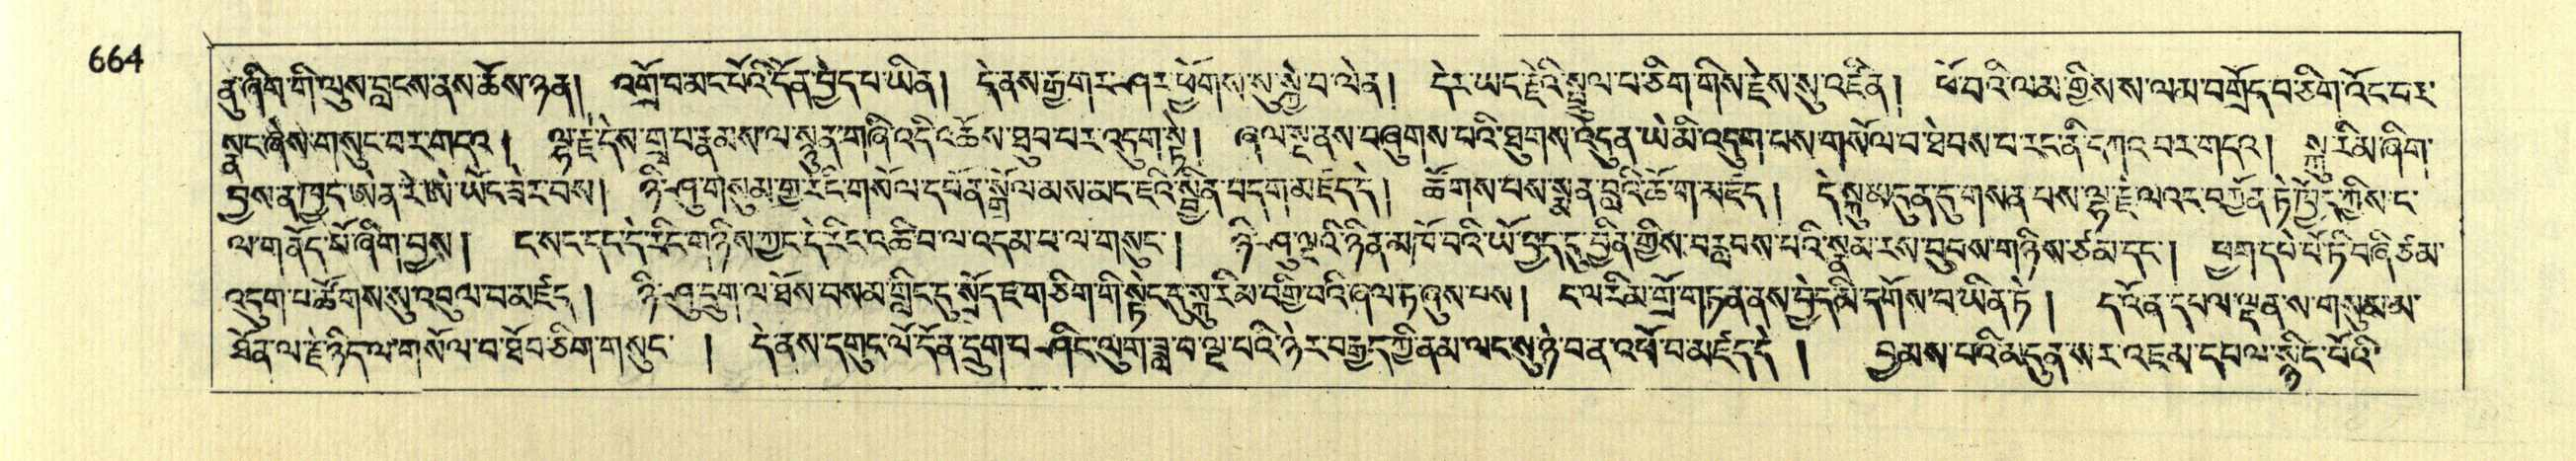ནུ་ཞིག་གི་ལུས་བླངས་ནས་ཆོས་ཉན། འགྲོ་བ་མང་པོའི་དོན་བྱེད་པ་ཡིན། དེ་ནས་རྒྱ་གར་ཤར་ཕྱོགས་སུ་སྐྱེ་བ་ལེན། དེར་ཡང་རྗེའི་སྤྲུལ་པ་ཅིག་གིས་རྗེས་སུ་འཛིན། ཕོ་བའི་ལམ་གྱིས་ས་ལམ་བགྲོད་བ་ཅིག་འོང་བར་
སྣང་ཞེས་གསུང་བར་གདའ། ལྷ་རྗེ་དེས་གྲྭ་པ་རྣམས་ལ་སྙུན་གཞི་འདི་འཆོས་ཐུབ་པར་འདུག་སྟེ། ཞལ་སྔ་ནས་བཞུགས་པའི་ཐུགས་འདུན་ཡེ་མི་འདུག་པས་གསོལ་བ་ཐེབས་བ་རང་ནི་དཀའ་བར་གདའ། སྐུ་རིམ་ཞིག་
བྱས་ན་ཁྱད་ཨེན་རེ་ཨེ་ཡོད་ཟེར་བས། ཉི་ཤུ་གསུམ་གྱ་རང་གསོལ་དཔོན་སྒྲོལ་མས་མང་ཇའི་སྦྱིན་བདག་མཛད་དེ། ཚོགས་པས་སྨན་བླའི་ཆོ་ག་མཛད། དེ་སྐུ་མདུན་དུ་གསན་པས་ལྷ་རྗེ་ལའང་བཀྱོན་ཏེ་ཁྱོད་ཀྱིས་ང་
ལ་གནོད་པོ་ཞིག་བྱས། ང་སང་དང་དེ་རིང་གཉིས་ཀྱང་དེ་རིང་འཆི་བ་ལ་འདམ་པ་ལ་གསུང་། ཉི་ཤུ་ལྔའི་ཉིན་མཁོ་བའི་ཡོ་བྱད་དུ་བྱིན་གྱིས་བརླབས་པའི་སྣམ་རས་བུབས་གཉིས་ཙམ་དང་། ཕྱག་དཔེ་པོ་ཏི་བཞི་ཙམ་
འདུག་པ་ཚོགས་སུ་འབུལ་བ་མཛད། ཉི་ཤུ་དྲུག་ལ་ཐོས་བསམ་གླིང་དུ་སྲོད་ཇ་གཅིག་གི་སྟེང་དུ་སྐུ་རིམ་བགྱི་བའི་ཞལ་ཏ་ཞུས་པས། ང་ལ་རིམ་གྲོ་གཏན་ནས་བྱེད་མི་དགོས་པ་ཡིན་ཏེ། ད་འོན་དཔལ་ལྡན་ས་གསུམ་མ་
ཐོན་ལ་རྗེ་ཉིད་ལ་གསོལ་བ་ཐོབ་ཅིག་གསུང་། དེ་ནས་དགུང་ལོ་དོན་དྲུག་བཤིང་ལུག་ཟླ་བ་ལྔ་པའི་ཉེར་བརྒྱད་ཀྱི་ནམ་ལང་སུ་ཉེ་བ་ན་འཕོ་བ་མཛད་དེ། བྱམས་པའི་མདུན་སར་འཇམ་དཔལ་སྙིང་པོའི་